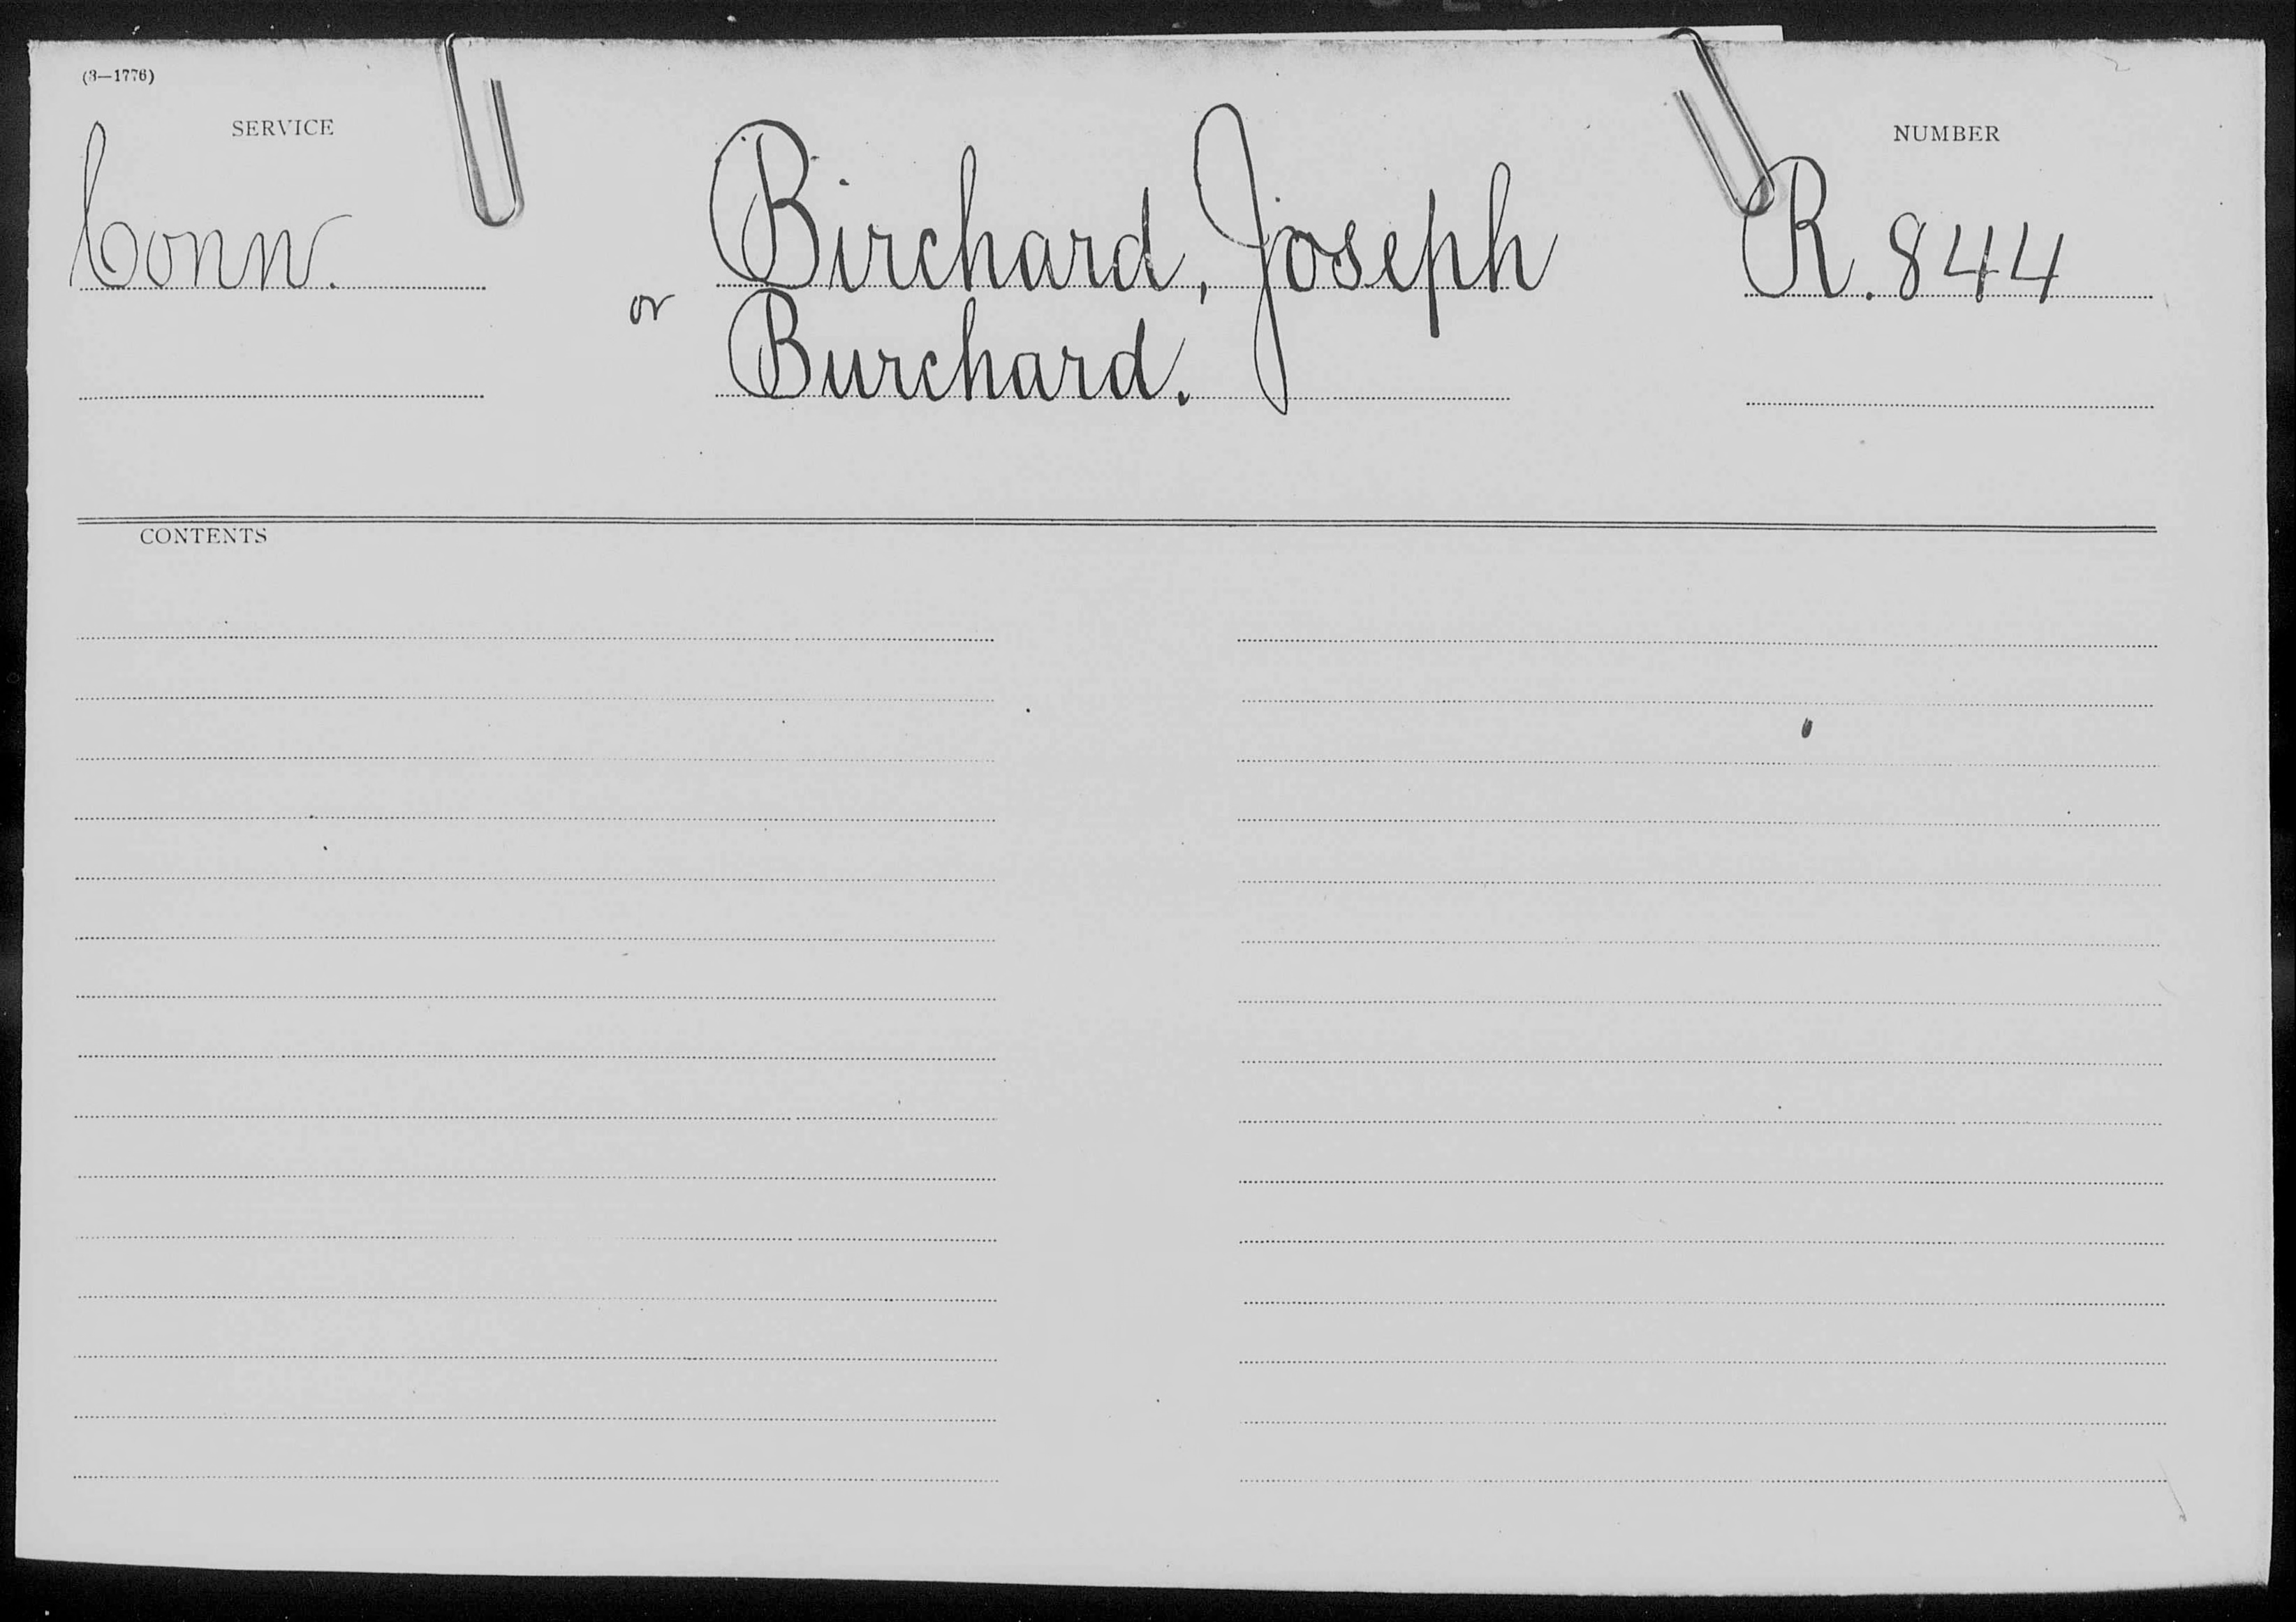Service
Conn. 

Birchard, Joseph or Burchard

Number
R.844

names: Joseph Burchard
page: 1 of 18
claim: rejected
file: R. 844, Joseph Birchard, Conn.